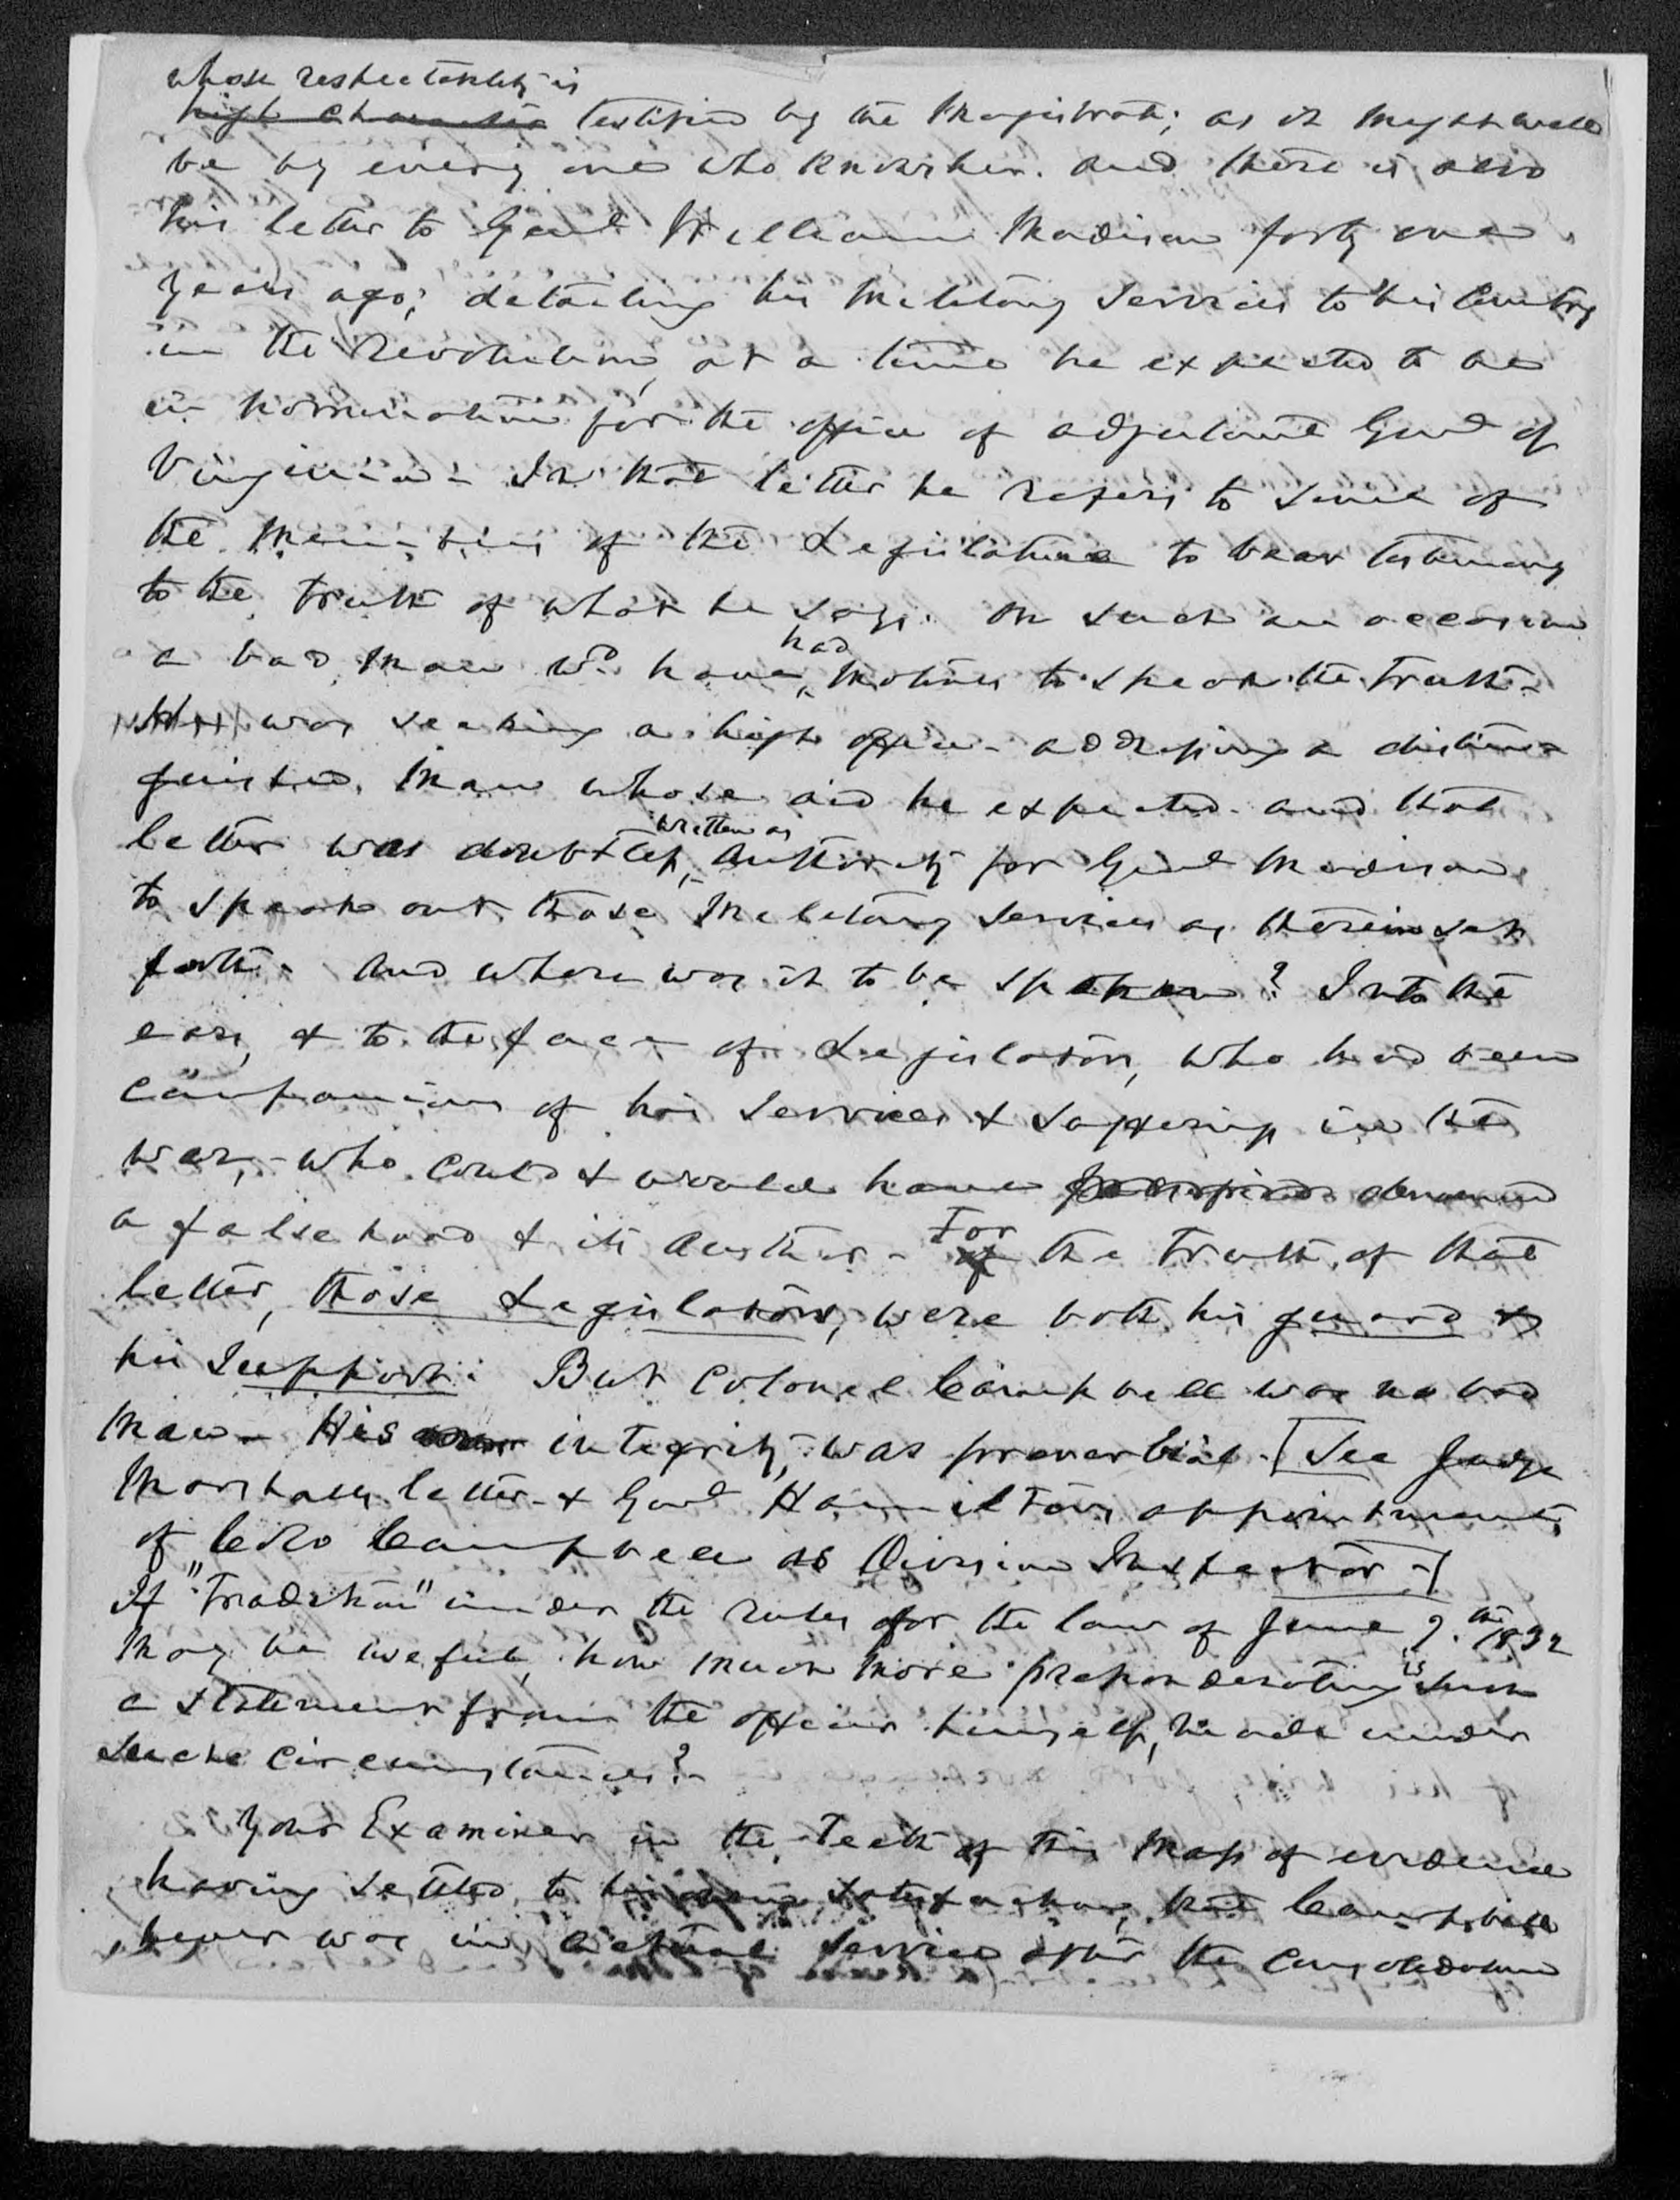whose respectability is testified by the Magistrate as it may as well be by every one who knows him, and there it also his letter to Genl William Madison forty one years ago detailing his military services to his country in the Revolution at a time he expected to be in nomination for the office of Adjutant Genl of Virginia. In that letter he refers to several Members of the Legislature to bear testimony to the truth of what he says On such an occasion a bad man wd have had motives to speak the truth when he was seeking a high office addressing a distinguished man, whose aid he expected and that letter was doubtless written as authority for Genl Madison to speak out those military services as therein set forth and where was it to be spoken? Into the ears & to the face of Legislators who had been companions of his services & suffering in the war who could & would have denounced a falsehood & its author.  For the truth of that letter those Legislators, were both his guard & his support. But Colonel Campbell was no bad man.  His integrity, was proverbial (See Judge Marshalls letter & Govr Hamiltons appointment of Col Campbell as Division Inspector) If "Tradition"  under the rules for the law of June 7th 1832 may be useful, how much more preponderating is such a statement from the officer himself made under Such Circumstances?
Your Examiner in the teeth of this mass of evidence having settled to [?] that Campbell never was in actual service after the consolidation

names: Campbell, Madison, Horn, William Madison, Campbell, Campbell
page: 230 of 267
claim: widow's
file: W. 4,149, William Campbell, Va.